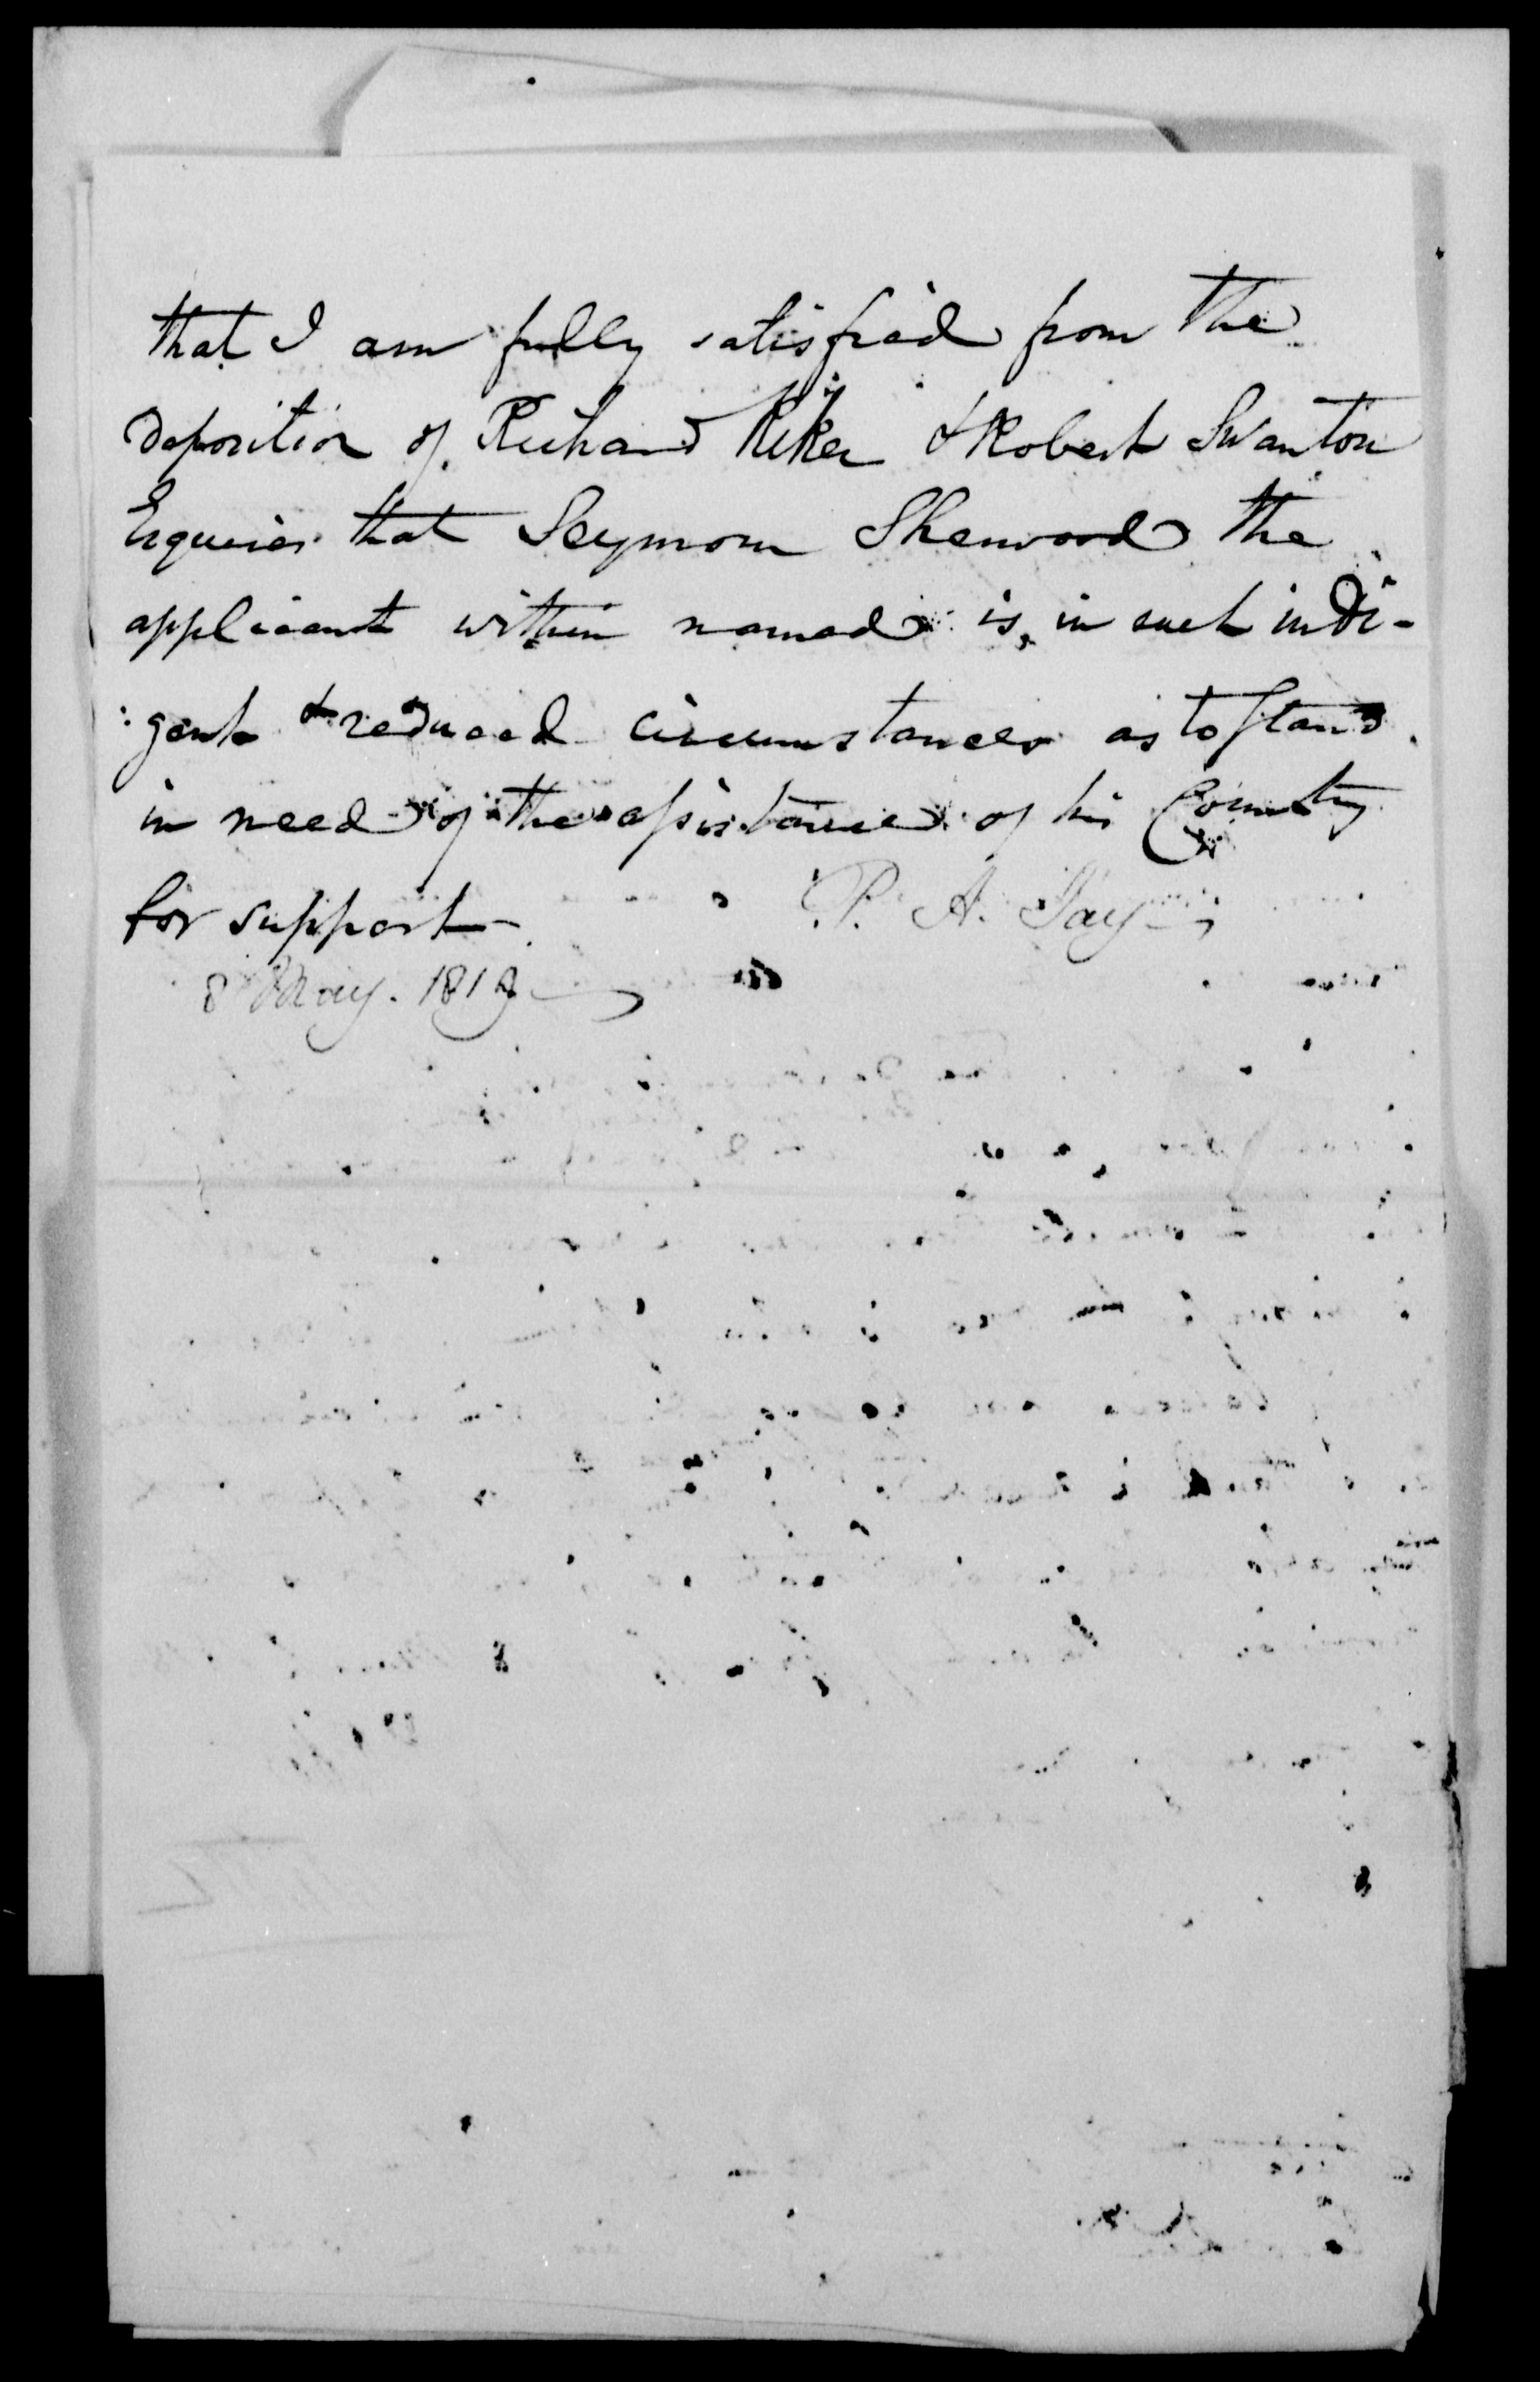that I am fully satisfied from the deposition of Richard Riker and Robert Swanton Esquires that Seymour Sherwood the applicant within named is in such indigent and reduced circumstances as to stand in need of assistance of his country for support.

P.A. Jay
8 May 1819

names: Richard Riker; P A Jay; Seymour Sherwood; Robert Swanton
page: 21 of 30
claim: survivor's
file: S. 42289, for Seymore Sherwood, Connecticut